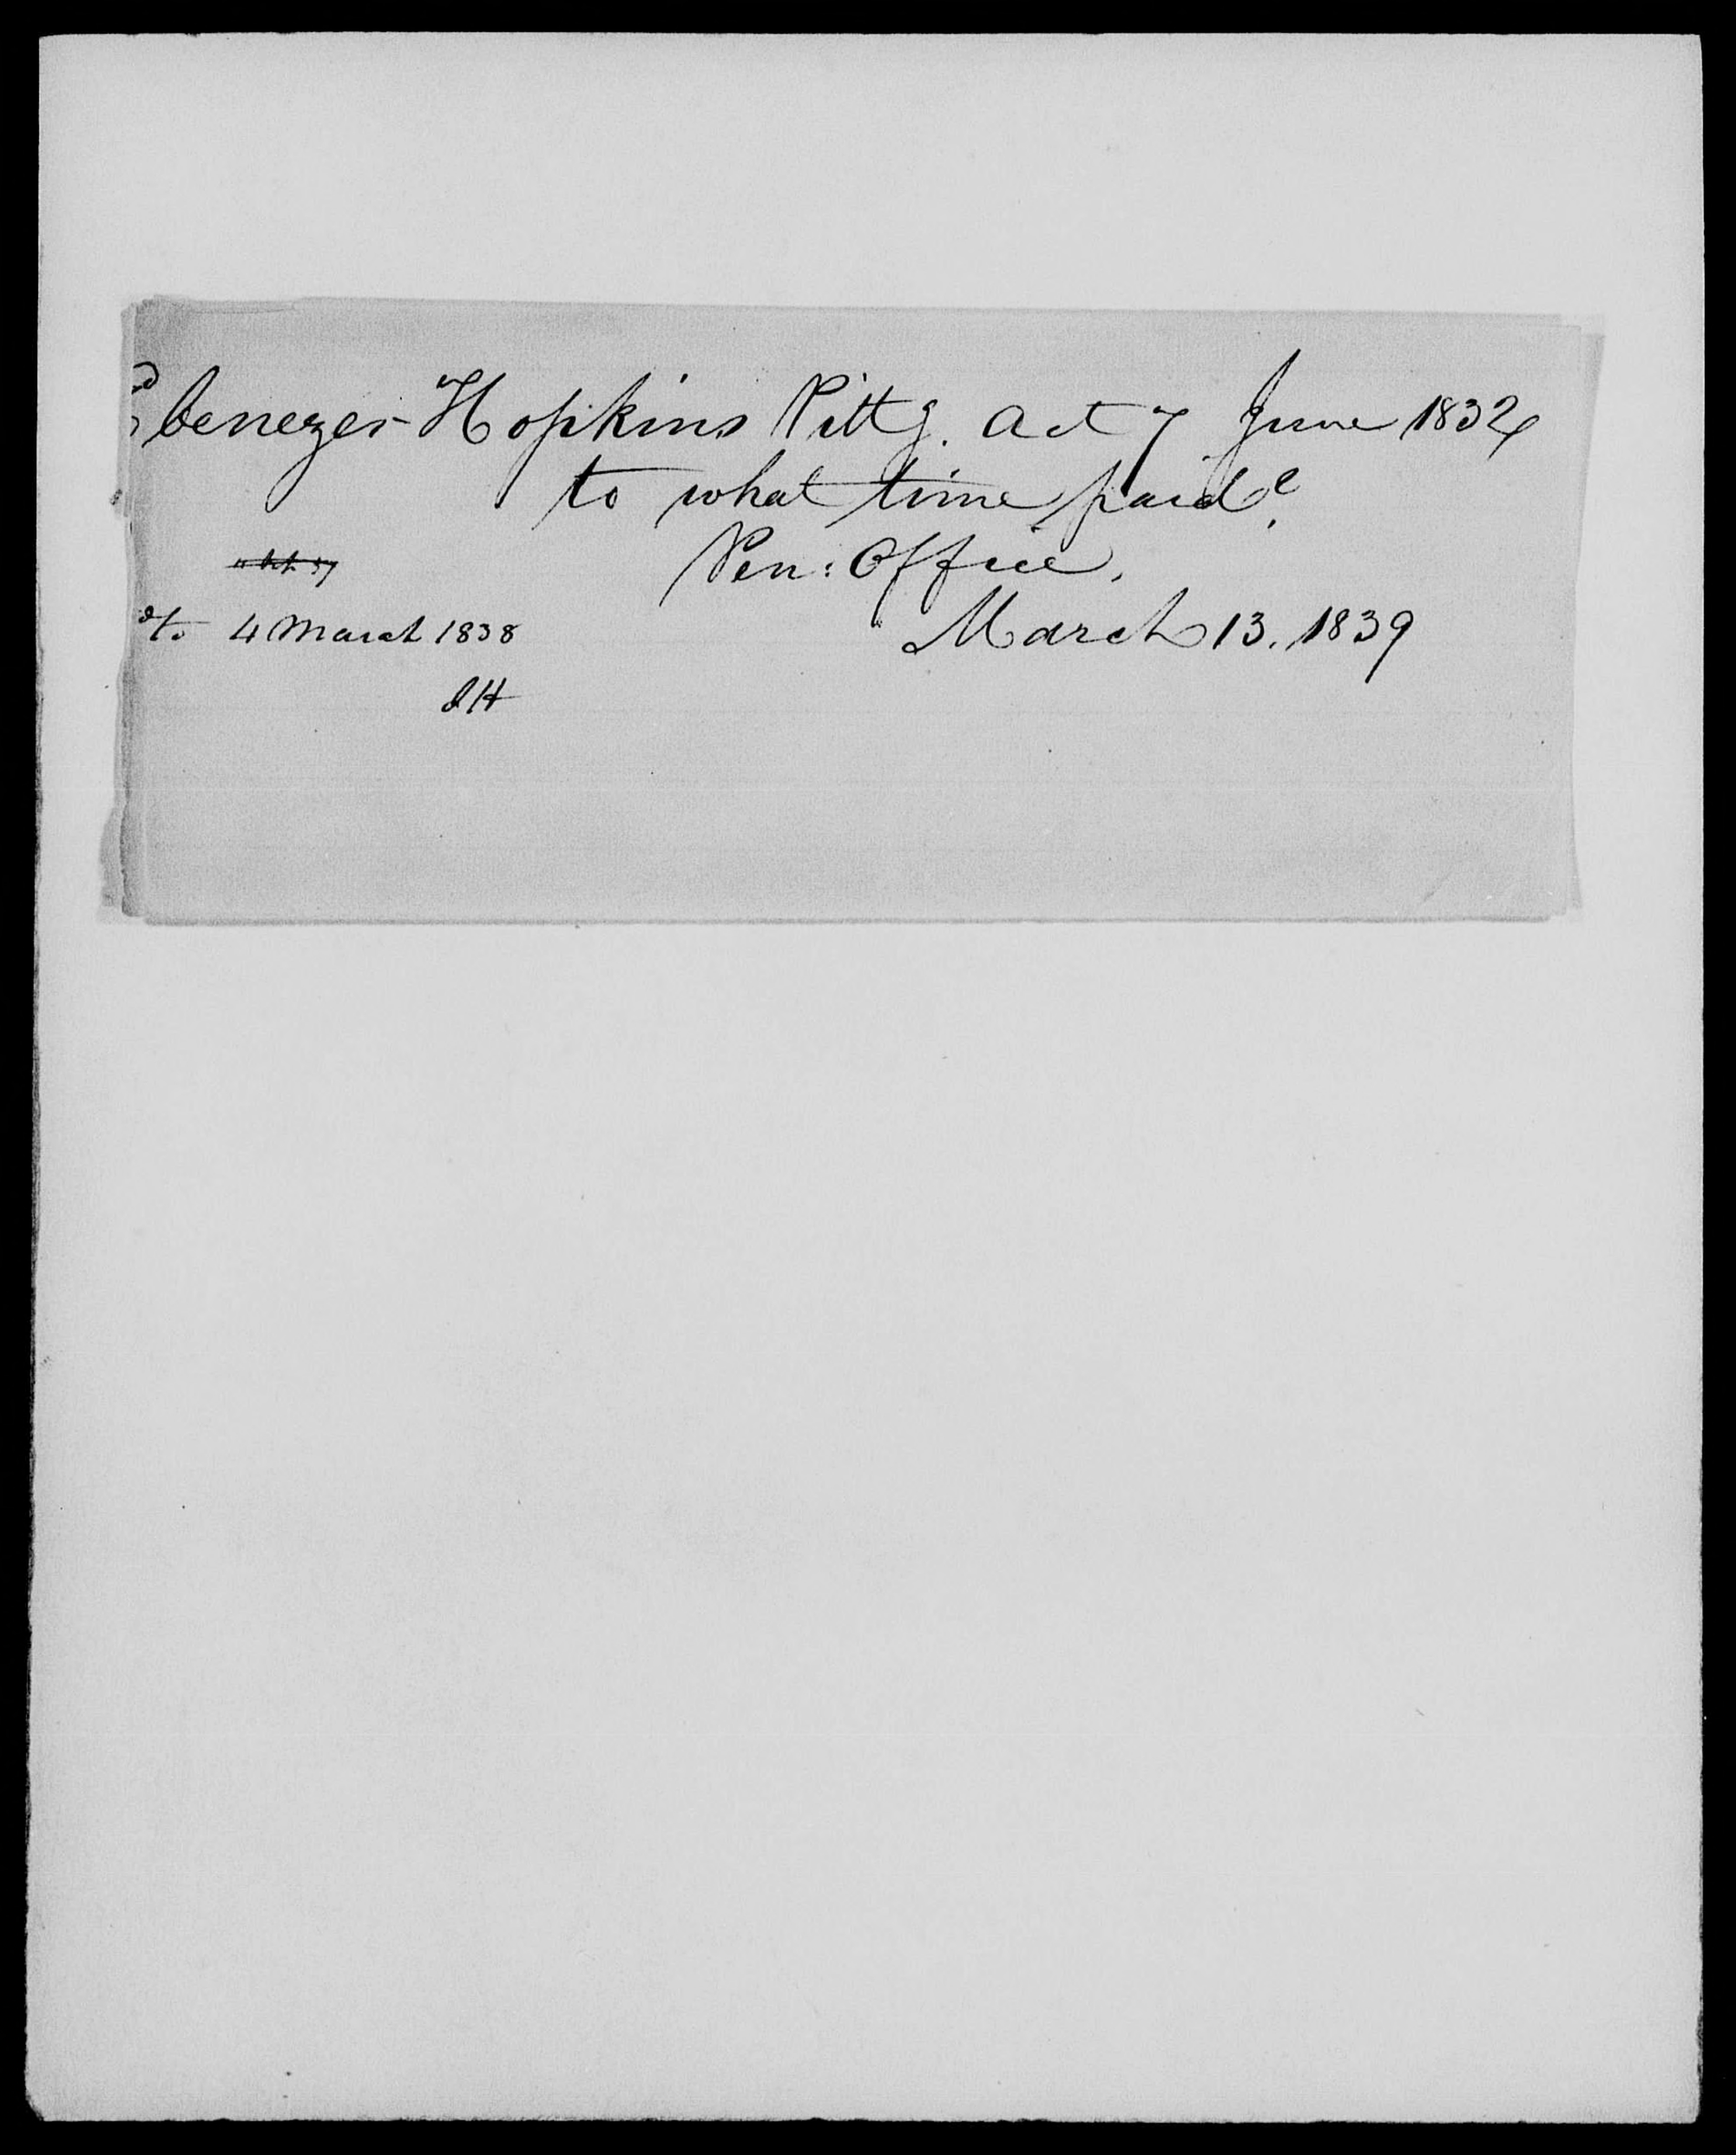Ebenezer Hopkins Pittg. Act 7 June 1834
to what time paid?
Pen Office
page torn - of  4 March 1838   March 13, 1839
JH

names: Ebenezer Hopkins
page: 84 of 144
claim: rejected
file: R. 5208, Dennis Hopkins, N.C.